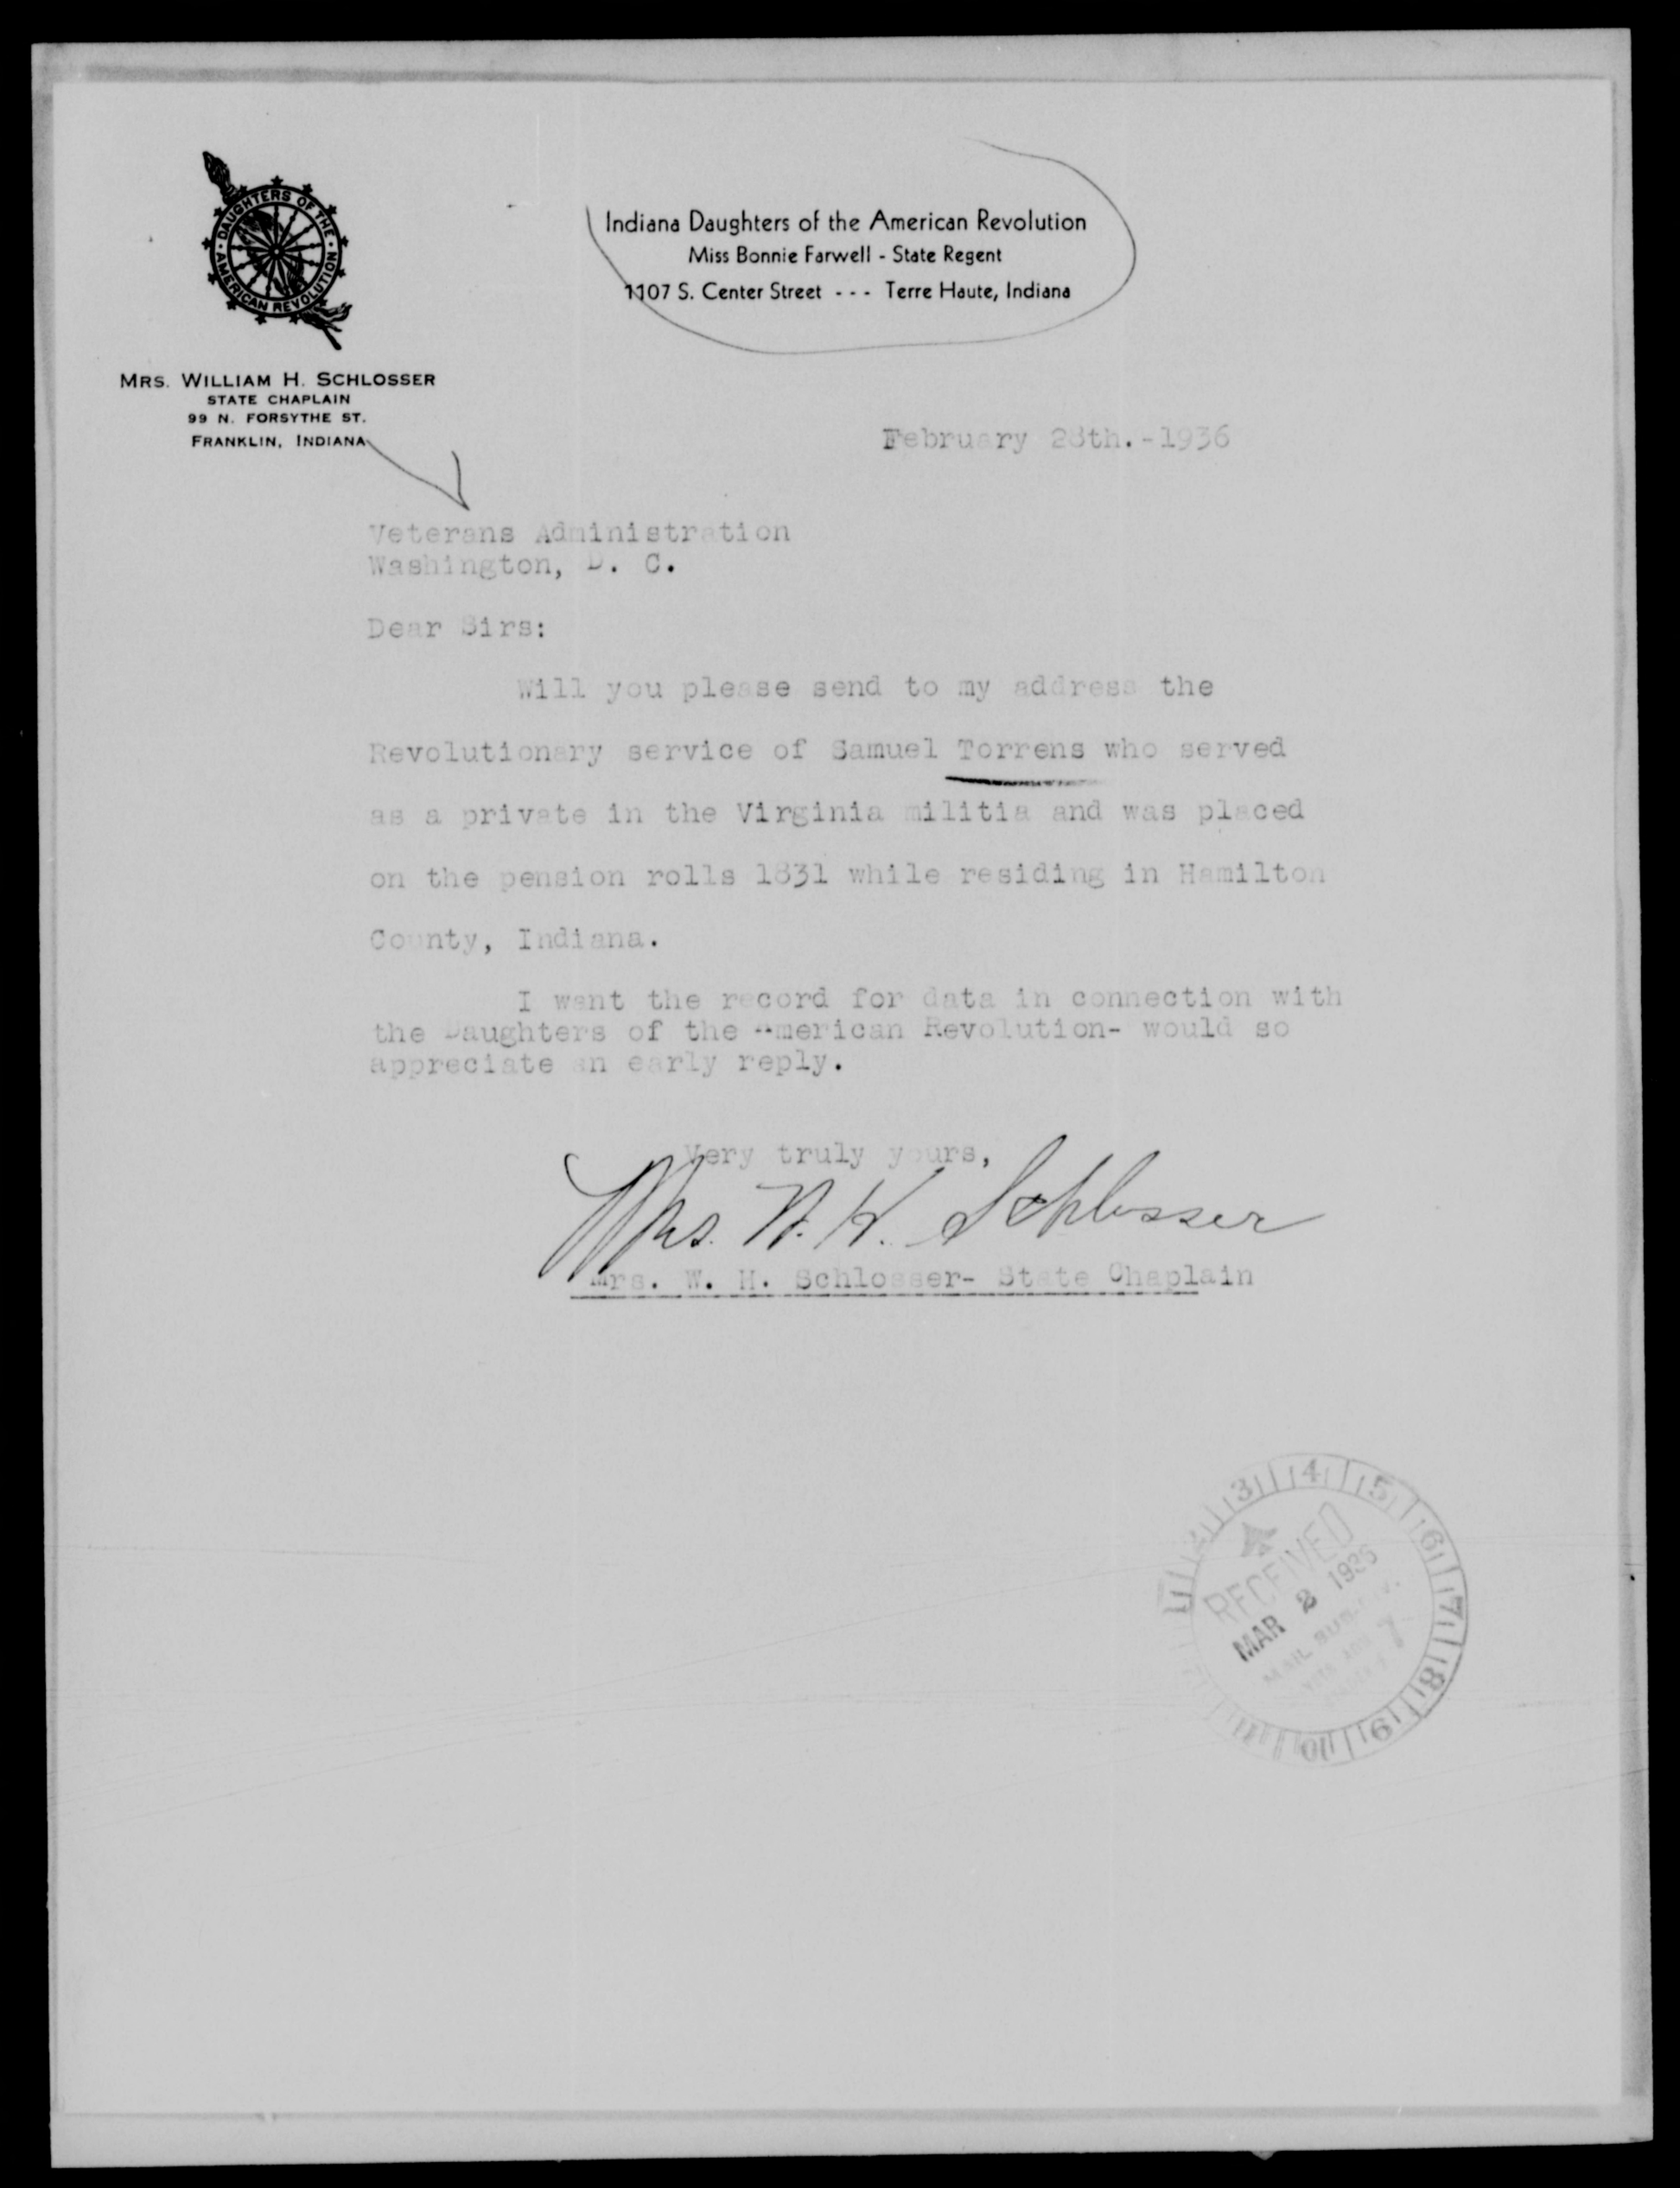Indiana Daughters of the American Revolution
Miss Bonnie Farwell - State Regent
1107 S. Center Street - - - Terre Haute, Indiana
MRS. WILLIAM H. SCHLOSSER
STATE CHAPLAIN
99 N. FORSYTHE ST.
FRANKLIN, INDIANA
February 28th. - 1936
Veterans Administration
Washington, D. C.
Dear Sirs:
Will you please send to my address the Revolutionary service of Samuel Torrens who served as a private in the Virginia militia and was placed on the pension rolls 1831 while residing in Hamilton County, Indiana.
I want the record for data in connection with the Daughters of the American Revolution - would so appreciate an early reply.
Very truly yours,
Mrs. W. H. Schlosser
Mrs. W. H. Schlosser - State Chaplain
RECEIVED 
MAR 2 1925
MAIL SUB-DIV.
VETS. ADM.
READER #7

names: Bonnie Farwell, W H Schlosser, W H Schlosser, Samuel Torrens, William H Schlosser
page: 27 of 27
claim: widow's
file: W. 9860, Samuel Torrons, Va.